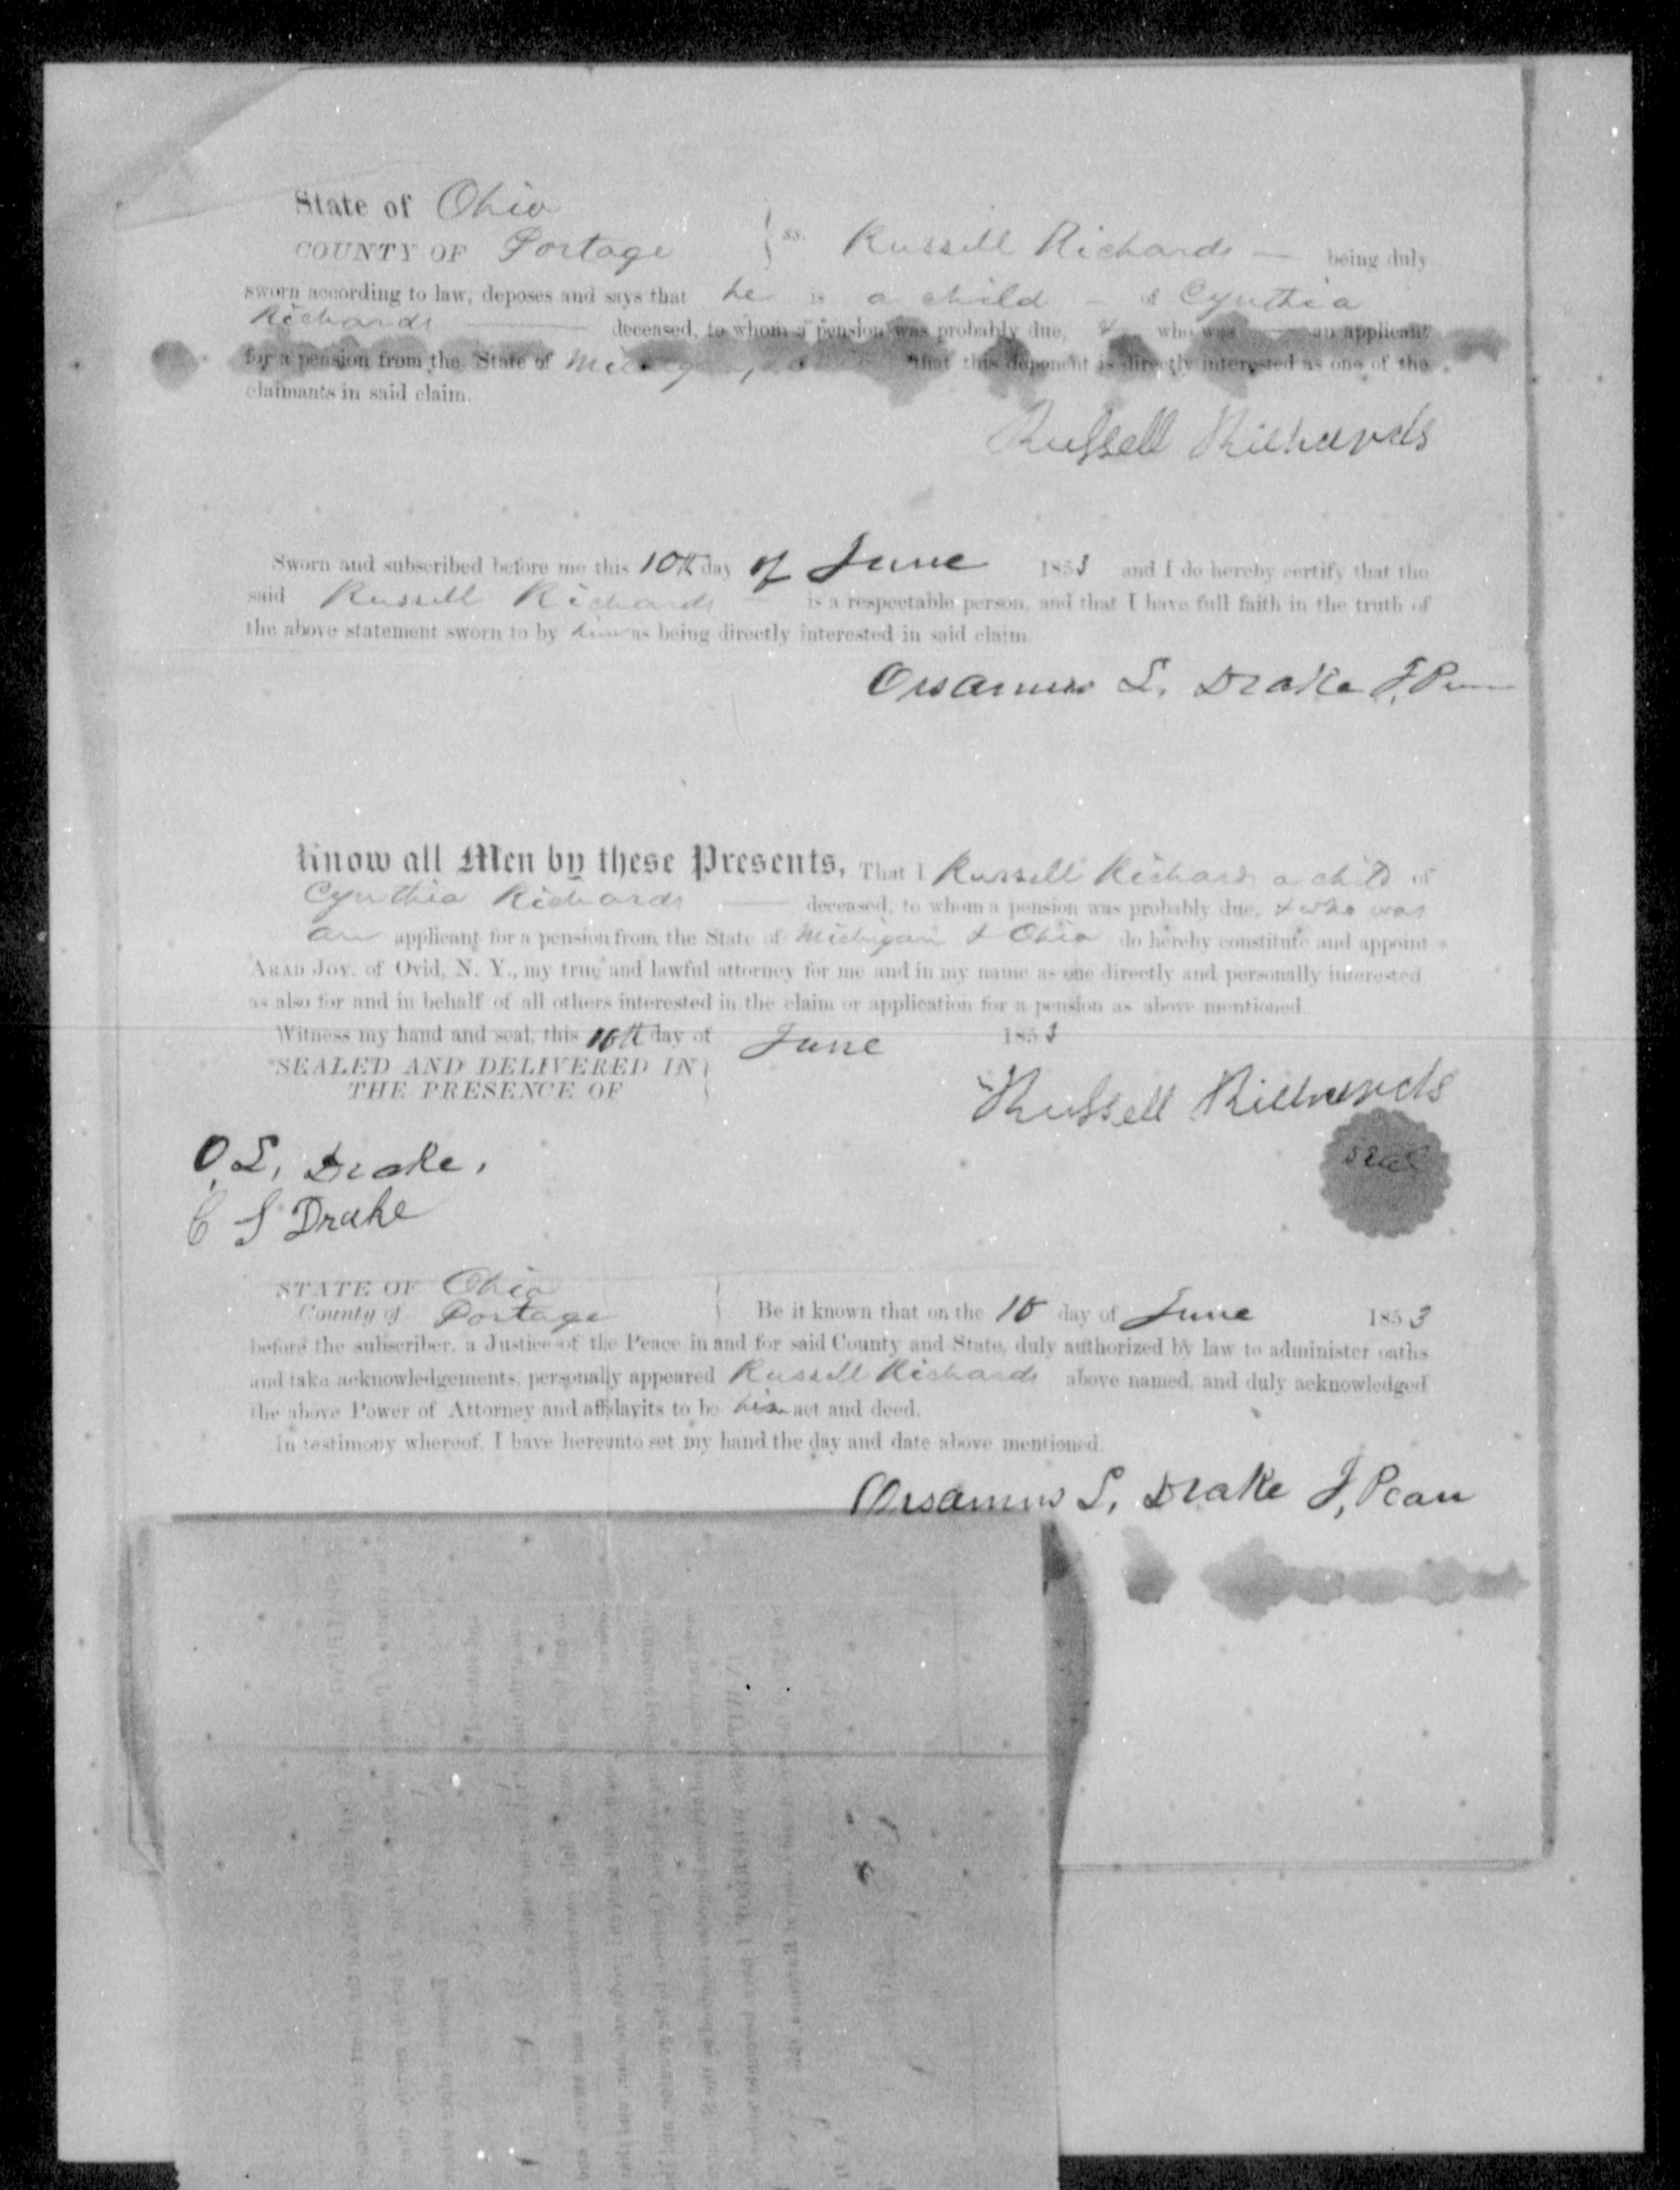State of Ohio
COUNTY of Portage} ss. Russell Richards being duly sworn according to law, deposes and says that he is a child of Cynthia Richards deceased, to whom a pension was probably due, & who was an applicant for a pension from the State of Michigan & Ohio that this deponent is directly interested as one of the claimants in said claim.
Russell Richards

Sworn and subscribed before me this 10th day of June 1853 and I do hereby certify that the
said Russell Richards is a respectable person, and that I have full faith in the truth of the above statement sworn to by him as being directly interested in said claim
Orsamus L. Drake J. [JUSTICE] Peace

[illegible]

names: O L Drake; Orsamus L Drake; Russell Richards; Russell Richards; Orsamus L Drake; Russell Richards; Cynthia Richards; Russell Richards; C S Drake; Russell Richards; Cynthia Richards; Russell Richards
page: 92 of 109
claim: widow's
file: W. 5709, for Thomas Richards, New Hampshire